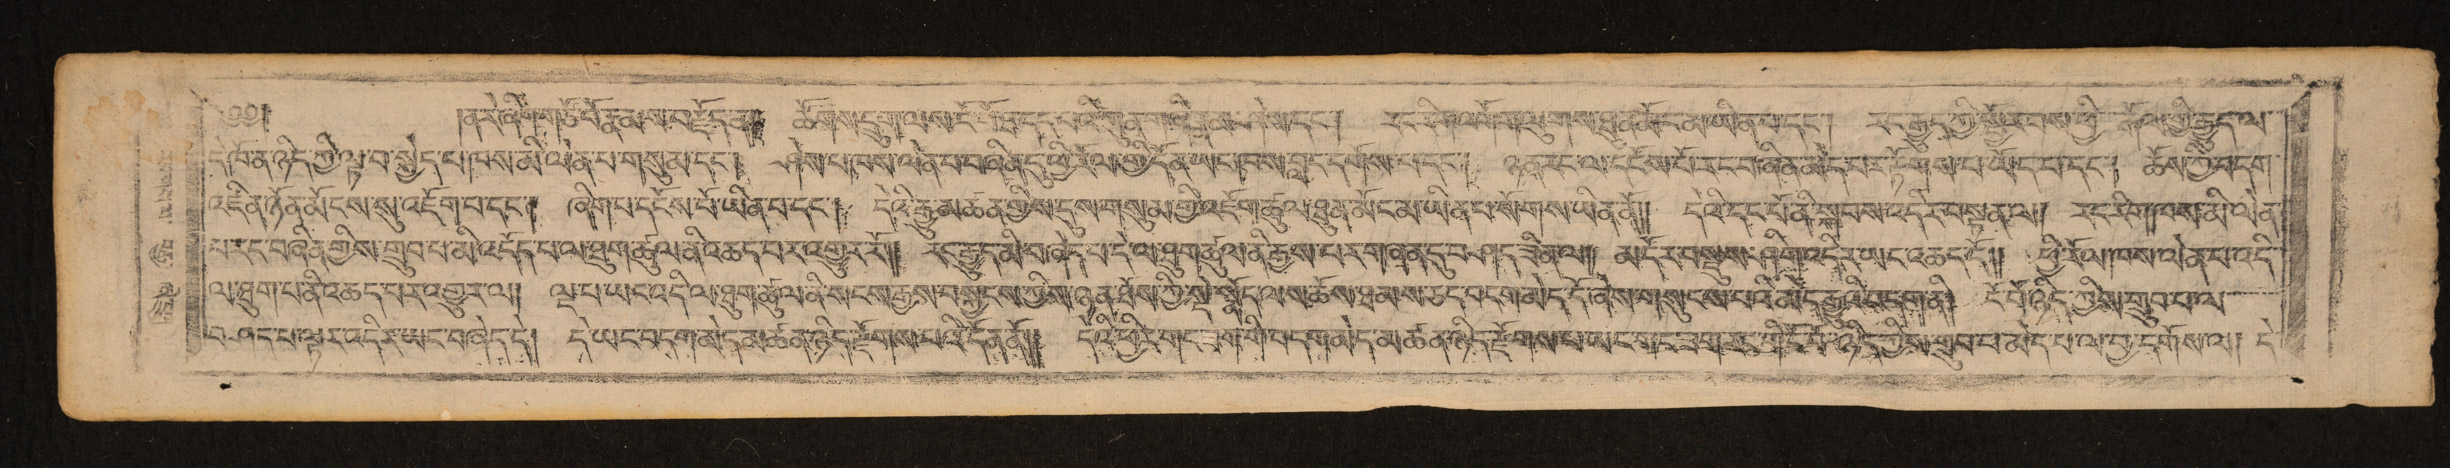༄༅། །ན་རེ་ཞིག་གཙོ་བོ་རྣམས་བརྗོད་ན། ཚོགས་དྲུག་ལས་ངོ་བོ་ཐ་དད་པའི་ཀུན་གཞི་རྣམ་ཤེས་དང་། རང་རིག་འགོག་ལུགས་ཐུན་མོང་མ་ཡིན་པ་དང་། རང་རྒྱུད་ཀྱི་སྦྱོར་བས་ཕྱི་རྒོལ་གྱི་རྒྱུད་ལ་
དེ་ཁོ་ན་ཉིད་ཀྱི་ལྟ་བ་སྐྱེད་པ་ཁས་མི་ལེན་པ་གསུམ་དང་། ཤེས་པ་ཁས་ལེན་པ་བཞིན་དུ་ཕྱི་རོལ་གྱི་དོན་ཡང་ཁས་བླང་དགོས་པ་དང་། ཉན་རང་ལ་དངོས་པོ་རང་བཞིན་མེད་པར་རྟོགས་པ་ཡོད་པ་དང་། ཆོས་ཀྱི་བདག་
འཛིན་ཉོན་མོངས་སུ་འཇོག་པ་དང་། ཞིག་པ་དངོས་པོ་ཡིན་པ་དང་། དེའི་རྒྱུ་མཚན་གྱིས་དུས་གསུམ་གྱི་འཇོག་ཚུལ་ཐུན་མོང་མ་ཡིན་པ་སོགས་ཡིན་ནོ།། དེའི་དང་པོ་ནི་སྐབས་འདིར་བསྟན་ལ། རང་རིག་ཁས་མི་ལེན་
པ་རང་བཞིན་གྱིས་གྲུབ་པ་མི་འདོད་པ་ལ་ཐུག་ཚུལ་ནི་འཆད་པར་འགྱུར་རོ།། རང་རྒྱུད་མི་བཞེད་པ་དེ་ལ་ཐུག་ཚུལ་ནི་རྒྱས་པར་གཞན་དུ་བཤད་ཟིན་ལ། མདོར་བསྡུས་ཤིག་འདིར་ཡང་འཆད་དོ།། ཕྱི་རོལ་ཁས་ལེན་པ་འདི་
ལ་ཐུག་པ་ནི་འཆད་པར་འགྱུར་ལ། ལྔ་པ་ཡང་འདི་ལ་ཐུག་ཚུལ་ནི་སངས་རྒྱས་བསྐྱངས་ཀྱིས་ཉན་ཐོས་ཀྱི་སྡེ་སྣོད་ལས་ཆོས་ཐམས་ཅད་བདག་མེད་དོ་ཞེས་གསུངས་པའི་མེད་རྒྱུའི་བདག་ནི། ངོ་བོ་ཉིད་ཀྱིས་གྲུབ་པ་ལ་
བཤད་པ་ལྟར་འདིར་ཡང་བཞེད་དེ། དེ་ཡང་བདག་མེད་མཚན་ཉིད་རྫོགས་པའི་དོན་ནོ།། དེའི་ཕྱིར་གང་ཟག་གི་བདག་མེད་མཚན་ཉིད་རྫོགས་པ་ཡང་གང་ཟག་རང་གི་ངོ་བོ་ཉིད་ཀྱིས་གྲུབ་པ་མེད་པ་ལ་བྱ་དགོས་ལ། དེ་